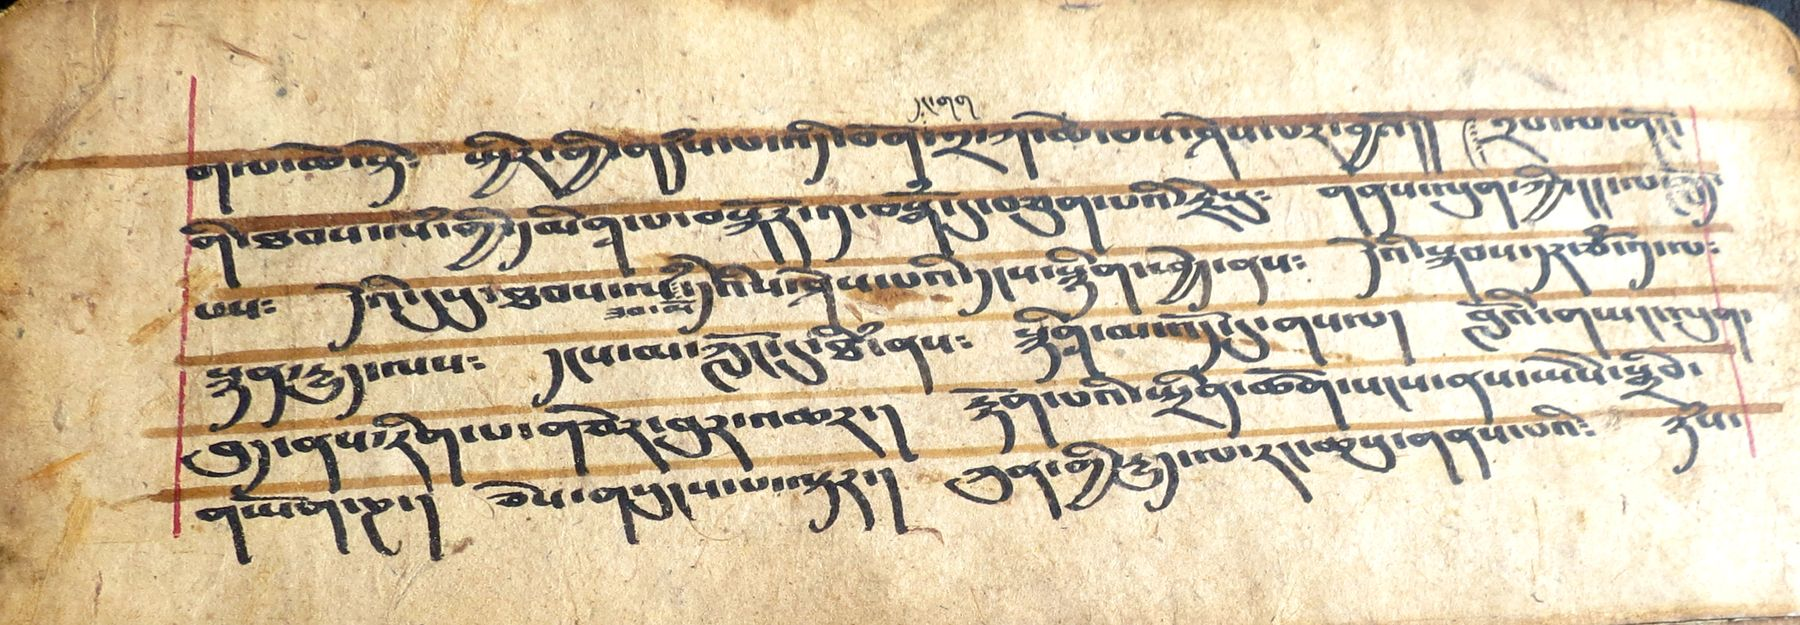གལ་ཆེའོ། ། སྤྱིར་གྱི་གདམས་པ་འདི་བོག་དང་གེགས་གཉིས་ཀ་ཆེ་བར་ཤེས་པར་བྱའོ། ། གཉིས་པ་ལ་གོང་
གི་ཐབས་ལམ་གྱི་དམིགས་པ་སྐོར་གཅིག་སྒོམ་དུ་བཅུག་པའི་རྗེས་སུ། གནས་ལུགས་ཀྱི་ངང་ལ་གློད་
པས། དེའི་དུས་སུ་ཐབས་ལམ་ཟབ་མོ་དེ་ཡིས་ཤེས་པའི་དྭངས་སྙིགས་ཕྱེད་ནས། དེའི་སྐབས་དར་ཙམ་གཅིག་ལ། 
སྙན་རྒྱུད་ལས། སྙིགས་མ་ཀློང་དུ་ཐིམ་ནས་དྭངས་མ་འོད་དུ་གསལ། བློ་ཡི་གཡང་ལུགས་
བུད་ནས་རིག་པ་གཅེར་བུར་འཆར། རྟོག་པའི་སྤྲིན་ཚོགས་སངས་ནས་ཡེ་ཤེས་སྒྲིབ་
གཡོགས་མེད། ཅེས་གསུངས་པ་ལྟར། ཀུན་གྱི་རྒྱུད་ལ་རང་ཆས་སུ་གནས་པའི་ཉམས།